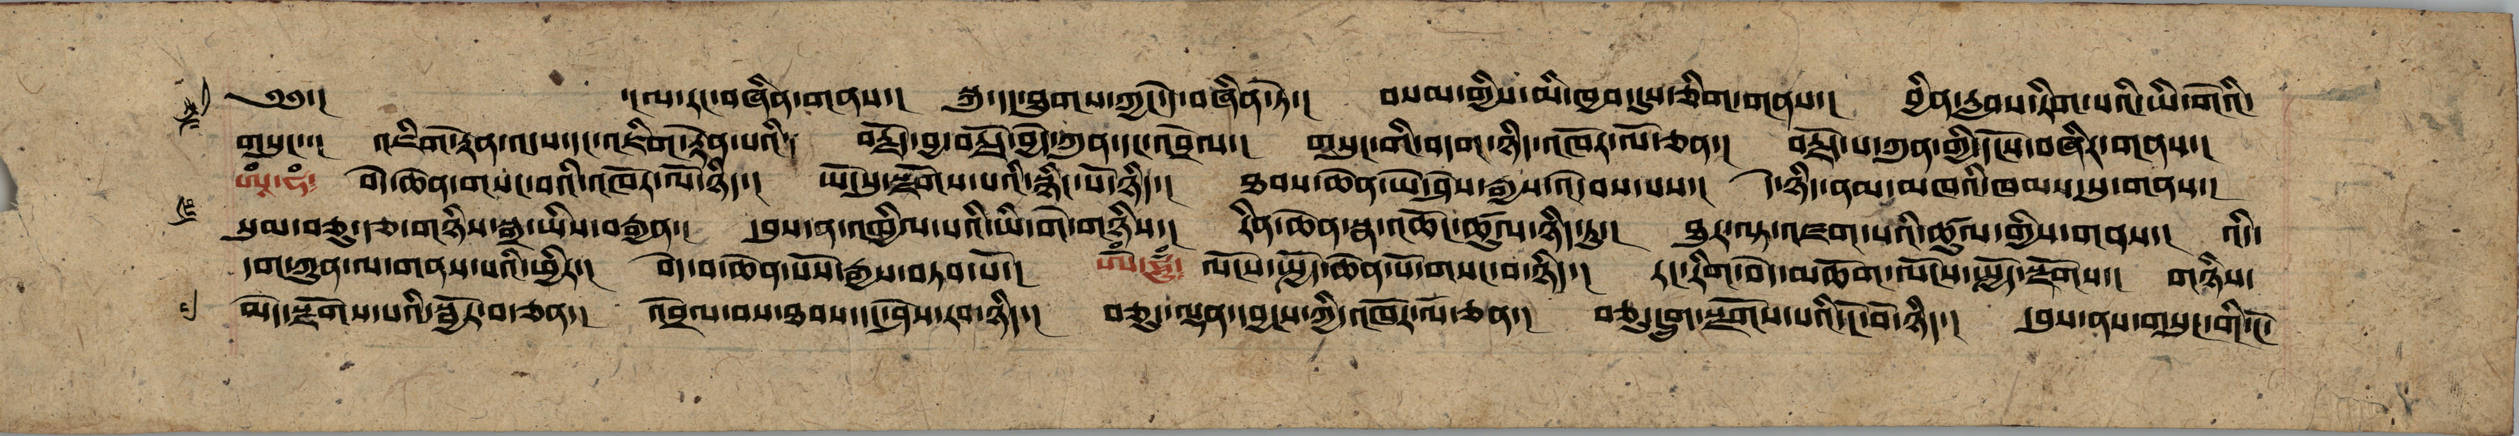༄༅་། ་།ལ་རང་བཞིན་གནས་། སྐུ་དང་ཐུགས་ཀྱང་དེ་བཞིན་ཏེ་། བསམ་གྱིས་མི་ཁྱབ་དུས་ཅིག་གནས་། བྱིན་རླབས་རིག་པའི་ཡི་གེའི་
གསུང་་། འཇིག་རྟེན་འདས་དང་འཇིག་རྟེན་པའི་། བརྗོད་བྱ་བརྗོད་བྱེད་ཀུན་དང་འབྲེལ་། གསུང་གི་བདག་ཉིད་འཁོར་ལོ་ཅན་། བརྗོད་པ་ཀུན་གྱི་དངོས་བཞིར་གནས་།
ཨཱཾ་ཧཾ༴ བདེ་ཆེན་གསང་བའི་འཁོར་ལོ་ཉིད་། ཡོངསུ་སྫོགས་པའི་སྙིང་པོ་ཉིད་། ཐབས་ཆེན་ཡེ་ཤེས་རྒྱས་འདེབས་པས་། དེ་ཉིད་ནམ་མཁའི་ཁམས་སུ་གནས་།
སུམ་བཅུ་རྩ་གཉིས་སྒྲ་ཡིས་བརྒྱན་། དབུས་ན་འཁྱིལ་པའི་ཡི་གེ་གཉིས་། རིན་ཆེན་སྣ་འཆོང་ཚུལ་ཉིད་ཏུ་། ཐུར་ལྟ་འཛག་པའི་ཚུལ་གྱིས་གནས་། འདི་
དག་ཀུན་ལ་གནས་པའི་ཕྱིར་། བདེ་བ་ཆེན་པོས་རྒྱས་བཏབ་པོ་། ཨོཾ་ཧཱུཾ༴ ལོངས་སྤྱོད་ཆེན་པོ་གསང་བ་ཉིད་། རང་རིག་བདེ་མཆོག་ལོངས་སྤྱོད་སྫོགས་། གཉིས་
མེད་སྫོགས་པའི་སྦྱོར་བ་ཅན་། འབྲེལ་བས་ཐབས་དང་ཤེས་རབ་ཉིད་། བཅུད་ལྡན་དབྱངས་ཀྱི་འཁོར་ལོ་ཅན་། བཅུ་དྲུག་སྫོགས་པའི་ངོ་བོ་ཉིད་། དབུས་ནས་གསུང་གི་ངོ་